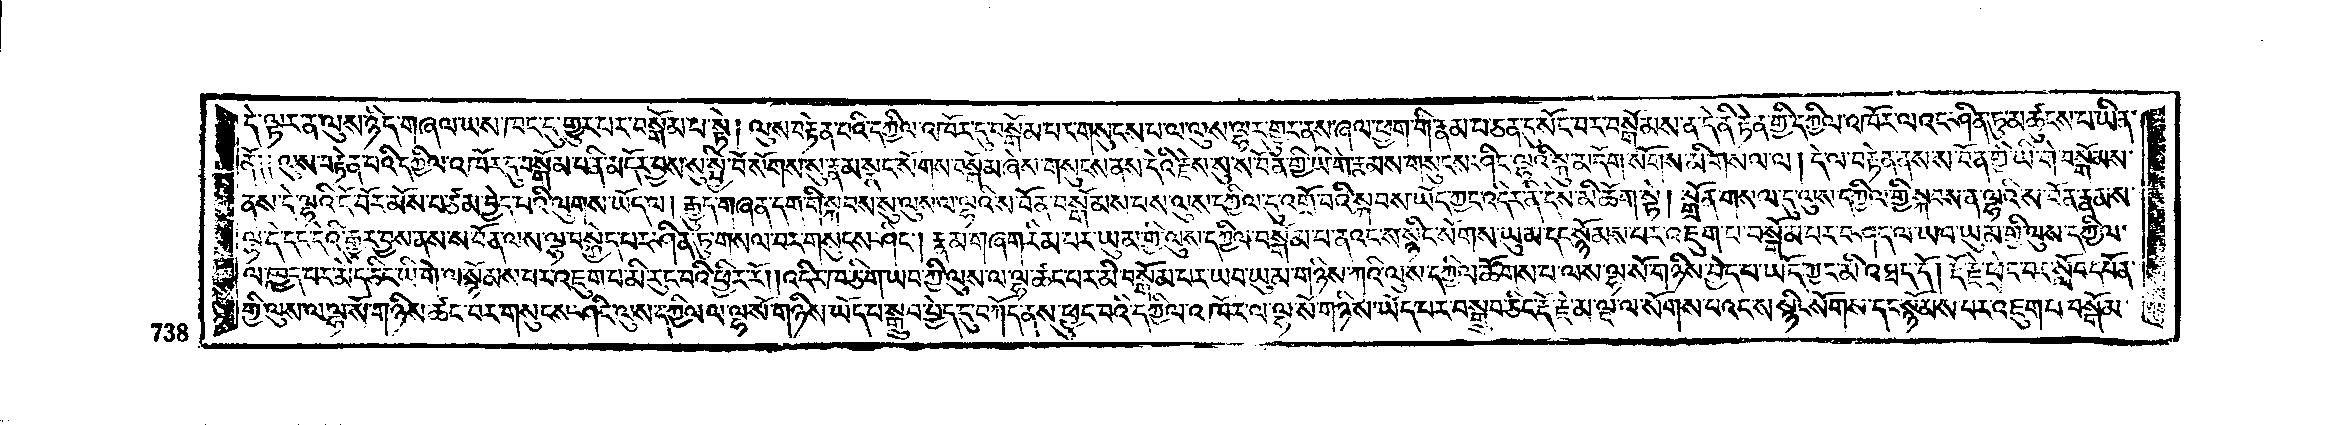དེ་ལྟར་ན་ལུས་ཉིད་གཞལ་ཡས་ཁང་དུ་གྱུར་པར་བསྒོམ་པ་སྟེ། ལུས་བརྟེན་པའི་དཀྱིལ་འཁོར་དུ་བསྒོམ་པར་གསུངས་པ་ལ་ལུས་ལྷར་གྱུར་ནས་ཞལ་ཕྱག་གི་རྣམ་པ་ཅན་དུ་སོང་བར་བསྒོམས་ན་དེ་ནི་རྟེན་གྱི་དཀྱིལ་འཁོར་ལའང་ཤིན་ཏུ་མཚུངས་པ་ཡིན་
ནོ། །ལུས་བརྟེན་པའི་དཀྱིལ་འཁོར་དུ་བསྒོམ་པ་ནི་མདོར་བྱས་སུ་སྤྱི་བོ་སོགས་སུ་རྣམ་སྣང་སོགས་བསྒོམ་ཞེས་གསུངས་ནས་དེའི་རྗེས་སུ་ས་བོན་གྱི་ཡི་གེ་རྣམས་གསུངས་ཤིང་ལྷའི་སྐུ་མདོག་སོགས་མི་གསལ་ལ། དེ་ལ་བརྟེན་ནས་ས་བོན་གྱི་ཡི་གེ་བསྒོམས་
ནས་དེ་ལྷའི་ངོ་བོར་མོས་པ་ཙམ་བྱེད་པའི་ལུགས་ཡོད་ལ། རྒྱུད་གཞན་དག་གི་སྐབས་སུ་ལུས་ལ་ལྷའི་ས་བོན་བསྒོམས་པས་ལུས་དཀྱིལ་དུ་འགྲོ་བའི་སྐབས་ཡོད་ཀྱང་འདིར་ནི་དེས་མི་ཆོག་སྟེ། སྒྲོན་གསལ་དུ་ལུས་དཀྱིལ་གྱི་སྐབས་ན་ལྷའི་ས་བོན་རྣམས་
ལྷ་དེ་དང་དེའི་རྒྱུར་བྱས་ནས་ས་བོན་ལས་ལྷ་བསྐྱེད་པར་ཤིན་ཏུ་གསལ་བར་གསུངས་ཤིང་། རྣམ་གཞག་རིམ་པར་ཡུམ་གྱི་ལུས་དཀྱིལ་བསྒོམ་པ་ནའང་ས་སྙིང་སོགས་ཡུམ་དང་སྙོམས་པར་འཇུག་པ་བསྒོམ་པར་བཤད་ལ་ཡབ་ཡུམ་གྱི་ལུས་དཀྱིལ་
ལ་ཁྱད་པར་མེད་ཅིང་ཡི་གེ་ལ་སྙོམས་པར་འཇུག་པ་མི་རུང་བའི་ཕྱིར་རོ། །འདིར་ཁ་ཅིག་ཡབ་ཀྱི་ལུས་ལ་ལྷ་ཚང་བར་མི་བསྒོམ་པར་ཡབ་ཡུམ་གཉིས་ཀའི་ལུས་དཀྱིལ་ཚོགས་པ་ལས་ལྷ་སོ་གཉིས་བྱེད་པ་ཡོད་ཀྱང་མི་འཐད་དེ། རྡོ་རྗེ་ཕྲེང་བར་སློབ་དཔོན་
གྱི་ལུས་ལ་ལྷ་སོ་གཉིས་ཚང་བར་གསུངས་ཤིང་ལུས་དཀྱིལ་ལ་ལྷ་སོ་གཉིས་ཡོད་པ་སྒྲུབ་བྱེད་དུ་བཀོད་ནས་ཕྱུང་བའི་དཀྱིལ་འཁོར་ལ་ལྷ་སོ་གཉིས་ཡོད་པར་བསྒྲུབ་ཅིང་རྡོ་རྗེ་མ་ལྔ་ལ་སོགས་པའང་ས་སྙིང་སོགས་དང་སྙོམས་པར་འཇུག་པ་བསྒོམ་